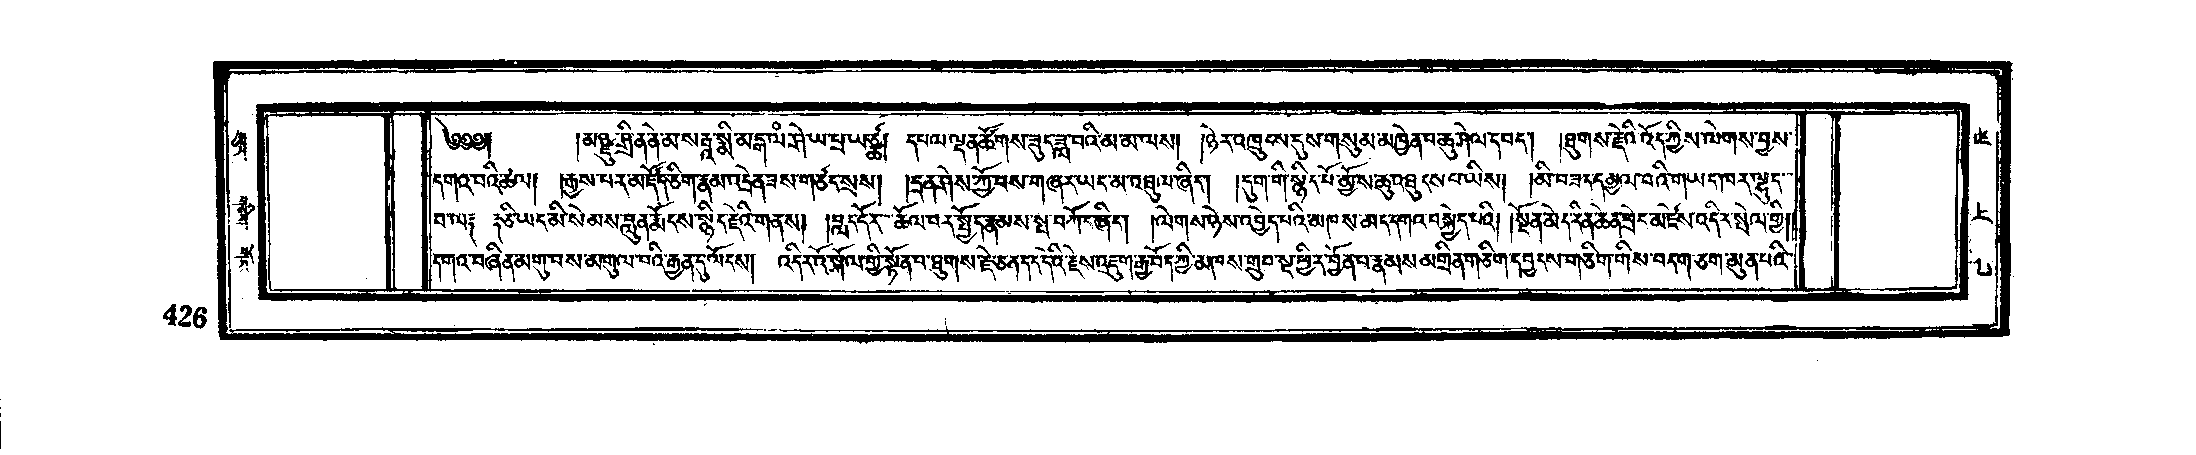༄༅༅། །མཉྫུ་ཤྲི་ན་ནེ་མ་སརྦཱ་སྨི་མངྒ་ལཾ་ཤེ་ཡ་པྲ་ཡ་ཙྪ། དཔལ་ལྡན་ཚོགས་ཟུད་ཟླ་བའི་མ་མ་ལས། །ཉེར་འཁྲུངས་དུས་གསུམ་མཁྱེན་པ་ཆུ་ཤེལ་དབང་། །ཐུགས་རྗེའི་འོད་ཀྱིས་ལེགས་བྱས་
དགའ་བའི་ཚལ། །རྒྱས་པར་མཛོད་ཅིག་རྣམ་འདྲེན་ཟས་གཙང་སྲས། །དྲན་ཤེས་ཀྱོ་བས་གཞར་ཡང་མ་འཐུལ་ཞིང་། །དུག་གི་སྙིང་པོ་མྱོས་ཆུ་འཐུངས་པ་ཡིས། །མི་བཟད་དམྱལ་བའི་གཡང་ཁར་ལྷུང་
བ་ལ༑ ༑ཅི་ཡང་མི་སེམས་བླུན་རྨོངས་སྙིང་རྗེའི་གནས། །བླང་དོར་ཆོལ་བར་སྤྱོད་རྣམས་སྤ་བཀོང་ཞིང་། །ལེགས་ཉེས་འབྱེད་པའི་མཁས་མང་དགའ་བསྐྱེད་པའི། །སྔོན་མེད་རིན་ཆེན་ཕྲེང་མཛེས་འདིར་སྤེལ་གྱི།
དགའ་བཞིན་མགུ་བས་མགུལ་བའི་རྒྱན་དུ་ལོངས། འདིར་འོ་སྐོལ་གྱི་སྟོན་པ་ཐུགས་རྗེ་ཅན་དང་དེའི་རྗེས་འཇུག་རྒྱ་བོད་ཀྱི་མཁས་གྲུབ་སྔ་ཕྱིར་བྱོན་པ་རྣམས་མགྲིན་གཅིག་དབྱངས་གཅིག་གིས་བདག་ཅག་མུན་པའི་